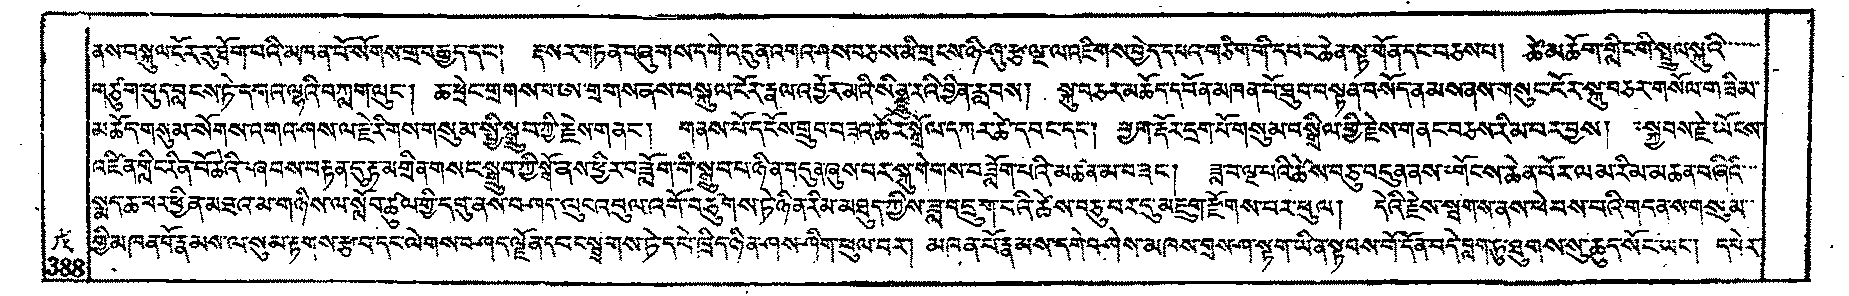ནས་བསྐུལ་ངོར་རུ་ཐོག་པའི་མཁན་པོ་སོགས་གྲ་བརྒྱད་དང་། རྡ་སར་གཏན་བཞུགས་དགེ་འདུན་འགའ་ཤས་བཅས་མི་གྲངས་ན྾ཨི་ཤུ་རྩ་ལྔ་ལ་འཇིགས་བྱེད་དཔའ་གཅིག་གི་དབང་ཆེན་སྟ་གོན་དང་བཅས་པ། ཚེ་མཆོག་གླིང་གི་སྤྲུལ་སྐུའི་
་གཙུག་ཕུད་བླངས་ཏེ་དགའ་ལྷའི་བཀླག་ལུང་། ཆ་ཕྲེང་གྲགས་པ་ཨ་གྲགས་ནས་བསིཨུལ་ངོར་རྣལ་འབྱོར་མའི་སིནྡྷུ་རའི་བཡཧ་ཨུ་བཅར་མཆོད་དཔོན་མཁན་པོ་ཐུབ་བསྟན་བསོད་ནམས་ནས་གསུང་ངོར་སྐུ་བར་གསོལ་གཟིམ་
མཆོད་གསུམ་སོགས་འགའ་ཤས་ལ་རྗེ་རིགས་གསུམ་སྤྱི་སྒྲུབ་ཀྱི་རྗེས་གནང་། གནས་པོ་དངོས་གྲུབ་བཟའ་ཚོར་སྒྲོལ་དཀར་ཚེ་དབང་དང་། ཕྱག་རྡོར་དྲག་པོ་གསུམ་བགརཧལ་གྱི་རྗེས་གནང་བཅས་རིམ་པར་བྱས། ༧སྐྱབས་རྗེ་ཡོངས་
འཛིན་གླིང་རིན་པོ་ཆེའི་༧ཞབས་བརྟན་དུ་རྟ་མགྲིན་གསང་སྒྲེབ་ཀྱི་སྒོ་ནས་ཕྱིར་བཟློག་གི་སྒྲུབ་པ་ཉིན་བདུན་ཞུས་པར་སྐུ་གེགས་བཟློག་པའི་མཚན་མ་བཟང་། ཟླ་བ་ལྔ་པའི་ཚེས་བཅ་བདུན་ནས་༧གོང་ས་ཆེན་པོར་ལམ་རིམ་མཆན་བཞིའི་
སྨད་ཆ་ཕར་ཕྱིན་མཐའ་མ་གཉིས་ལ་སློབ་ཚུལ་གྱི་དབུ་ནས་བཤད་ལུང་འབུལ་འགོ་བཙུགས་ཏེ་ཉིན་རིམ་མཐུད་ཀྱིས་ཟླ་བ་དྲུག་པའི་ཚེས་བཅུ་བར་དུ་མཇུག་རྫོགས་པར་ཕུལ། དེའི་རྗེས་སྦགས་ནས་ཕེབས་པའི་གདན་ས་གསུམ་
གྱི་མཁན་པོ་རྣམས་ལ་སུམ་རྟགས་རྩ་བ་དང་ལེགས་བཤད་ལྗོན་དབང་སྦྲགས་ཏེ་དཔེ་ཁྲིད་ཉིན་ཤས་ཤིག་ཕུལ་བར། མཁན་པོ་རྣམས་དགེ་བཤེས་མཁས་གྲས་ཤ་སྟག་ཡིན་སྟབས་གོ་དོན་བདེ་བླག་ཏུ་ཐུགས་སུ་ཆུད་སོང་ཡང་། དཔེར་